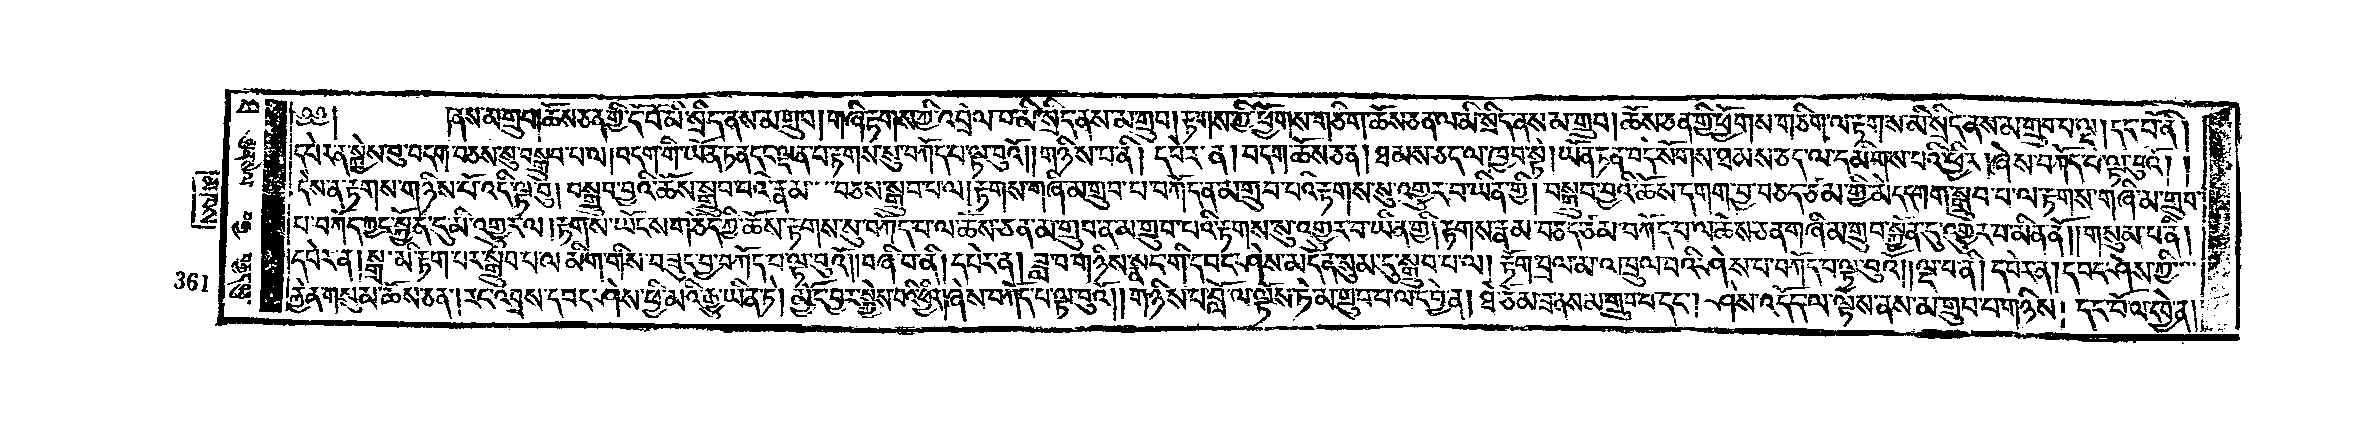༄༅། །ནས་མ་གྲུབ། ཆོས་ཅན་གྱི་ངོ་བོ་མི་སྲིད་ནས་མ་གྲུབ། གཞི་རྟགས་ཀྱི་འབྲེལ་བ་མི་སྲིད་ནས་མ་གྲུབ། རྟགས་ཀྱི་ཕྱོགས་གཅིག་ཆོས་ཅན་ལ་མི་སྲིད་ནས་མ་གྲུབ། ཆོས་ཅན་གྱི་ཕྱོགས་གཅིག་ལ་རྟགས་མི་སྲིད་ནས་མ་གྲུབ་པ་ལྔ། དང་པོ་ནི།
དཔེར་ན་སྐྱེས་བུ་བདག་བཅས་སུ་བསྒྲུབ་པ་ལ། བདག་གི་ཡོན་ཏན་དང་ལྡན་པ་རྟགས་སུ་བཀོད་པ་ལྟ་བུའོ། །གཉིས་པ་ནི། དཔེར་ན། བདག་ཆོས་ཅན། ཐམས་ཅད་ལ་ཁྱབ་སྟེ། ཡོན་ཏན་བདེ་སོགས་ཐམས་ཅད་ལ་དམིགས་པའི་ཕྱིར། ཞེས་བཀོད་པ་ལྟ་བུའོ། །
དེས་ན་རྟགས་གཉིས་པོ་འདི་ལྟ་བུ། བསྒྲུབ་བྱའི་ཆོས་སྒྲུབ་པའི་རྣམ་བཅས་སྒྲུབ་པ་ལ། རྟགས་གཞི་མ་གྲུབ་པ་བཀོད་ན་མ་གྲུབ་པའི་རྟགས་སུ་འགྱུར་པ་ཡིན་གྱི། བསྒྲུབ་བྱའི་ཆོས་དགག་བྱ་བཅད་ཙམ་གྱི་མེད་དགག་སྒྲུབ་པ་ལ་རྟགས་གཞི་མ་གྲུབ་
པ་བཀོད་ཀྱང་སྐྱོན་དུ་མི་འགྱུར་ལ། རྟགས་ཡོངས་གཅོད་ཀྱི་ཆོས་རྟགས་སུ་བཀོད་པ་ལ་ཆོས་ཅན་མ་གྲུབ་ན་མ་གྲུབ་པའི་རྟགས་སུ་འགྱུར་བ་ཡིན་གྱི། རྟགས་རྣམ་བཅད་ཙམ་བཀོད་པ་ལ་ཆོས་ཅན་གཞི་མ་གྲུབ་སྐྱོན་དུ་འགྱུར་བ་མིན་ནོ། །གསུམ་པ་ནི།
དཔེར་ན། སྒྲ་མི་རྟག་པར་སྒྲུབ་པ་ལ་མིག་གིས་བཟུང་བྱ་བཀོད་པ་ལྟ་བུའོ། །བཞི་པ་ནི། དཔེར་ན། ཟླ་བ་གཉིས་སྣང་གི་དབང་ཤེས་མངོན་སུམ་དུ་སྒྲུབ་པ་ལ། རྟོག་བྲལ་མ་འཁྲུལ་བའི་ཤེས་པ་བཀོད་པ་ལྟ་བུའོ། །ལྔ་པ་ནི། དཔེར་ན། དབང་ཤེས་ཀྱི་
རྐྱེན་གསུམ་ཆོས་ཅན། རང་འབྲས་དབང་ཤེས་ཕྱི་མའི་རྒྱུ་ཡིན་ཏེ། མྱོང་བྱར་སྐྱེས་པའི་ཕྱིར། ཞེས་བཀོད་པ་ལྟ་བུའོ། །གཉིས་པ་བློ་ལ་ལྟོས་ཏེ་མ་གྲུབ་པ་ལ་དབྱེ་ན། ཐེ་ཙོམ་ཟ་ནས་མ་གྲུབ་པ་དང་། ཤེས་འདོད་ལ་ལྟོས་ནས་མ་གྲུབ་པ་གཉིས། དང་པོ་ལ་དབྱེ་ན།